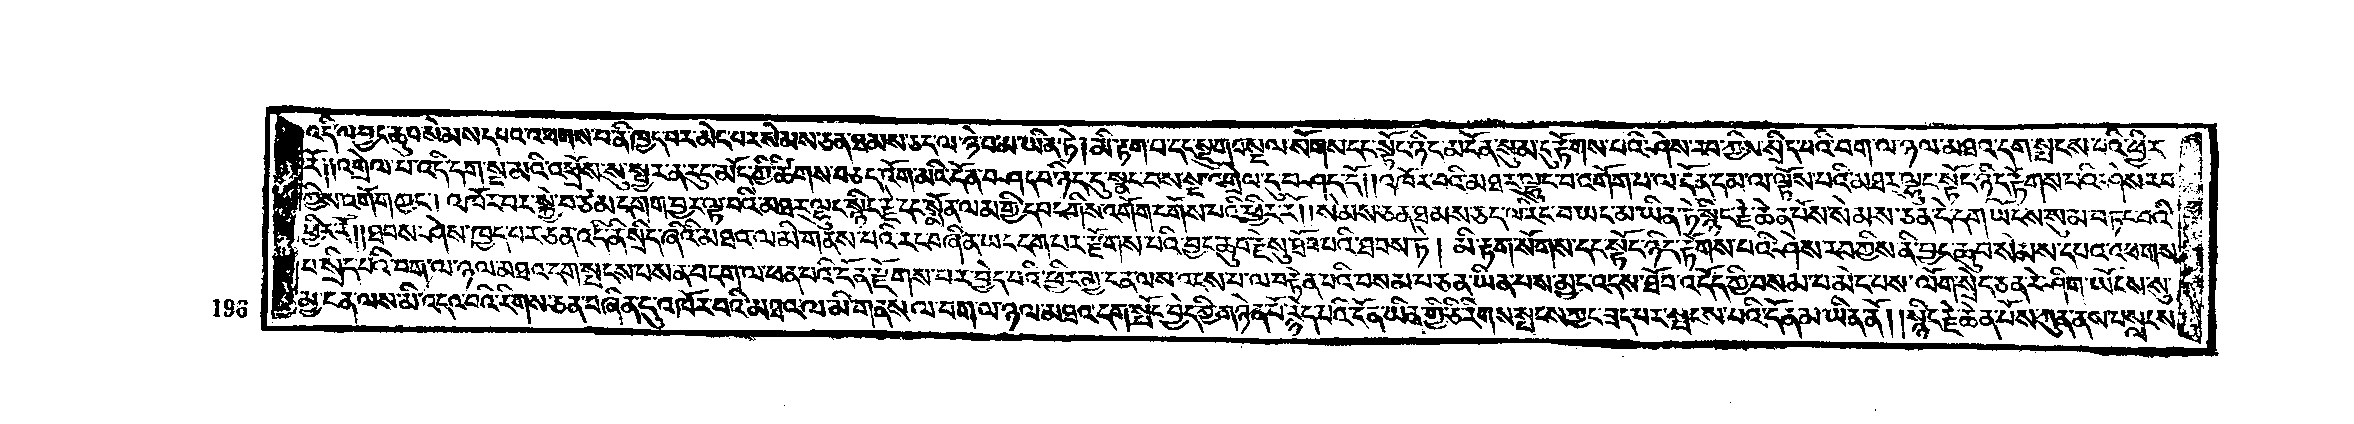འདི་ལ་བྱང་ཆུབ་སེམས་དཔའ་འཕགས་པ་ནི་ཁྱད་པར་མེད་པར་སེམས་ཅན་ཐམས་ཅད་ལ་ཉེ་བ་མ་ཡིན་ཏེ། མི་རྟག་པ་དང་སྡུག་བསྔལ་སོགས་དང་སྟོང་ཉིད་མངོན་སུམ་དུ་རྟོགས་པའི་ཤེས་རབ་ཀྱིས་སྲིད་པའི་བག་ལ་ཉལ་མཐའ་དག་སྤངས་པའི་ཕྱིར་
རོ༑ ༑འགྲེལ་པ་འདི་དག་སྔ་མའི་འཕྲོས་སུ་སྦྱར་ན་རུང་མོད་ཀྱི་ཚིགས་བཅད་འོག་མའི་དོན་བཤད་པ་ཉིད་དུ་སྣང་བས་སྔ་འགྲེལ་དུ་བཤད་དོ། །འཁོར་བའི་མཐར་ལྷུང་བ་འགོག་པ་ལ་དོན་དམ་ལ་ལྟོས་པའི་མཐར་ལྷུང་སྟོང་ཉིད་རྟོགས་པའི་ཤེས་རབ་
ཀྱིས་འགོག་ཀྱང་། འཁོར་བར་སྐྱེ་བ་ཙམ་དགག་བྱར་ལྟ་བའི་མཐར་ལྷུང་སྙིང་རྗེ་དང་སྨོན་ལམ་གྱི་དབང་གིས་འགོག་དགོས་པའི་ཕྱིར་རོ། །སེམས་ཅན་ཐམས་ཅད་ལ་རིང་བ་ཡང་མ་ཡིན་ཏེ་སྙིང་རྗེ་ཆེན་པོས་སེམས་ཅན་དེ་དག་ཡོངས་སུ་མ་བཏང་བའི་
ཕྱིར་རོ། །ཐབས་ཤེས་ཁྱད་པར་ཅན་འདི་ནི་སྲིད་ཞིའི་མཐའ་ལ་མི་གནས་པའི་རང་བཞིན་ཡང་དག་པར་རྫོགས་པའི་བྱང་ཆུབ་རྗེས་སུ་ཐོབ་པའི་ཐབས་ཏེ། མི་རྟག་སོགས་དང་སྟོང་ཉིད་རྟོགས་པའི་ཤེས་རབ་ཀྱིས་ནི་བྱང་ཆུབ་སེམས་དཔའ་འཕགས་
པ་སྲིད་པའི་བག་ལ་ཉལ་མཐའ་དག་སྤངས་པས་ན་བདག་ལ་ཕན་པའི་དོན་རྫོགས་པར་བྱེད་པའི་ཕྱིར་མྱ་ངན་ལས་འདས་པ་ལ་བརྟེན་པའི་བསམ་པ་ཅན་ཡིན་པས་མྱང་འདས་ཐོབ་འདོད་ཀྱི་བསམ་པ་མེད་པས་ལོག་སྲེད་ཅན་རེ་ཤིག་ཡོངས་སུ་
མྱ་ངན་ལས་མི་འདའ་བའི་རིགས་ཅན་བཞིན་དུ་འཁོར་བའི་མཐའ་ལ་མི་གནས་ལ་བག་ལ་ཉལ་མཐའ་དག་སྤོང་བྱེད་ཀྱི་གཉེན་པོ་རྙེད་པའི་དོན་ཡིན་གྱི་ཅི་རིགས་སྤངས་ཀྱང་ཟད་པར་སྤངས་པའི་དོན་མ་ཡིན་ནོ། །སྙིང་རྗེ་ཆེན་པོས་ཀུན་ནས་བསླངས་